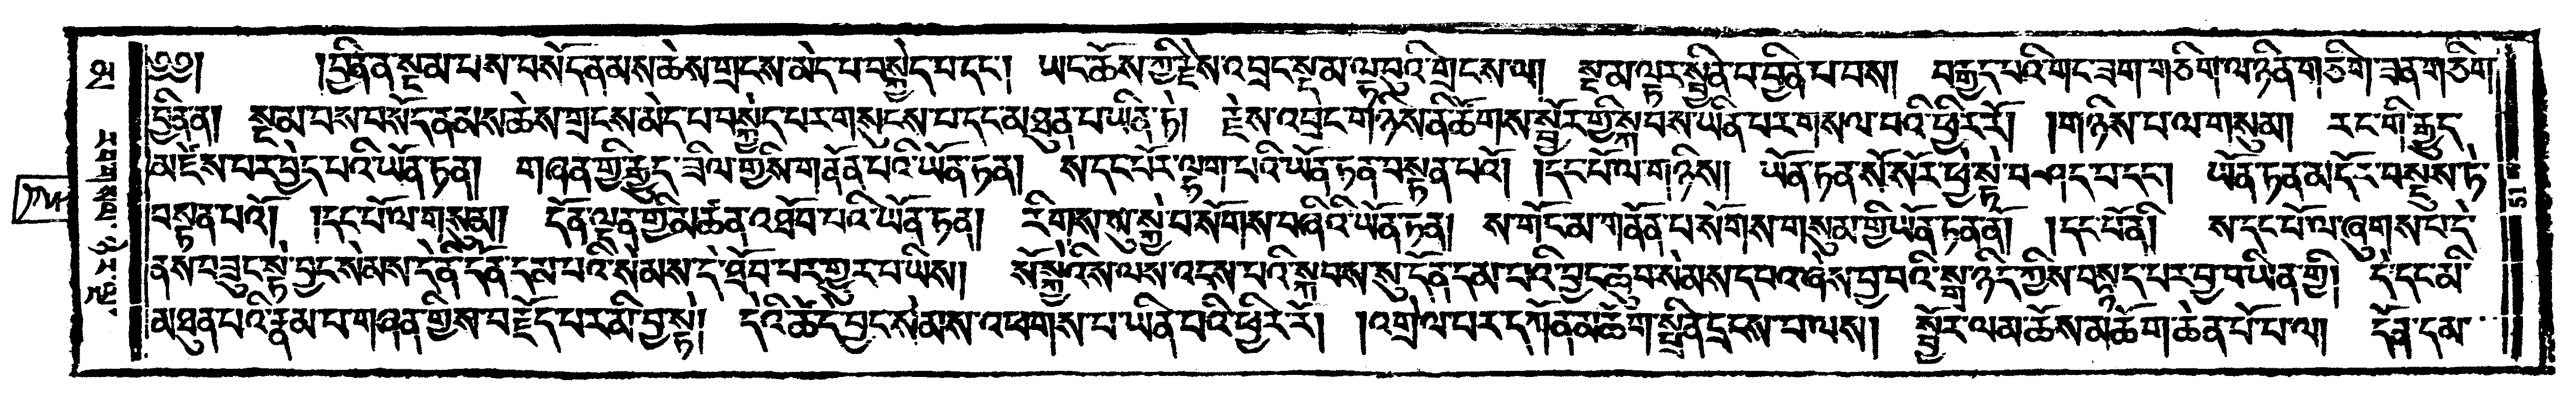༄༅། །བྱིན་ན་སྔ་མ་བས་བསོད་ནམས་ཆེས་གྲངས་མེད་པ་བསྐྱེད་པ་དང་། ཡང་ཆོས་ཀྱི་རྗེས་འབྲང་སྔ་མ་ལྟ་བུའི་གྲངས་ལ། སྔ་མ་ལྟར་སྦྱིན་པ་བྱིན་པ་བས། བརྒྱད་པའི་གང་ཟག་གཅིག་ལ་ཉིན་གཅིག་ཟན་གཅིག་
བྱིན་ན། སྔ་མ་བས་བསོད་ནམས་ཆེས་གྲངས་མེད་པ་བསྐྱེད་པར་གསུངས་པ་དང་མཐུན་པ་ཡིན་ཏེ། རྗེས་འབྲང་གཉིས་ནི་ཚོགས་སྦྱོར་གྱི་སྐབས་ཡིན་པར་གསལ་བའི་ཕྱིར་རོ། །གཉིས་པ་ལ་གསུམ། རང་གི་རྒྱུད་
མཛེས་པར་བྱེད་པའི་ཡོན་ཏན། གཞན་གྱི་རྒྱུད་ཟིལ་གྱིས་གནོན་པའི་ཡོན་ཏན། ས་དང་པོར་ལྷག་པའི་ཡོན་ཏན་བསྟན་པའོ། །དང་པོ་ལ་གཉིས། ཡོན་ཏན་སོ་སོར་ཕྱེ་སྟེ་བཤད་པ་དང་། ཡོན་ཏན་མདོར་བསྡུས་ཏེ་
བསྟན་པའོ། །དང་པོ་ལ་གསུམ། དོན་ལྡན་གྱི་མཚན་འཐོབ་པའི་ཡོན་ཏན། རིགས་སུ་སྐྱེ་བ་སོགས་བཞིའི་ཡོན་ཏན། ས་གོང་མ་གནོན་པ་སོགས་གསུམ་གྱི་ཡོན་ཏན་ནོ། །དང་པོ་ནི། ས་དང་པོ་ལ་ཞུགས་པ་དེ་
ནས་བཟུང་སྟེ་བྱང་སེམས་དེ་ནི་དོན་དམ་པའི་སེམས་དེ་ཐོབ་པར་གྱུར་པ་ཡིས། །སོ་སྐྱེའི་ས་ལས་འདས་པའི་སྐབས་སུ་དོན་དམ་པའི་བྱང་ཆུབ་སེམས་དཔའ་ཞེས་བྱ་བའི་སྒྲ་ཉིད་ཀྱིས་བསྙད་པར་བྱ་བ་ཡིན་གྱི། དེ་དང་མི་
མཐུན་པའི་རྣམ་པ་གཞན་གྱིས་བརྗོད་པར་མི་བྱ་སྟེ། དེའི་ཚེ་དེ་བྱང་སེམས་འཕགས་པ་ཡིན་པའི་ཕྱིར་རོ། །འགྲེལ་པར་དཀོན་མཆོག་སྤྲིན་དྲངས་པ་ལས། སྦྱོར་ལམ་ཆོས་མཆོག་ཆེན་པོ་པ་ལ། དོན་དམ་